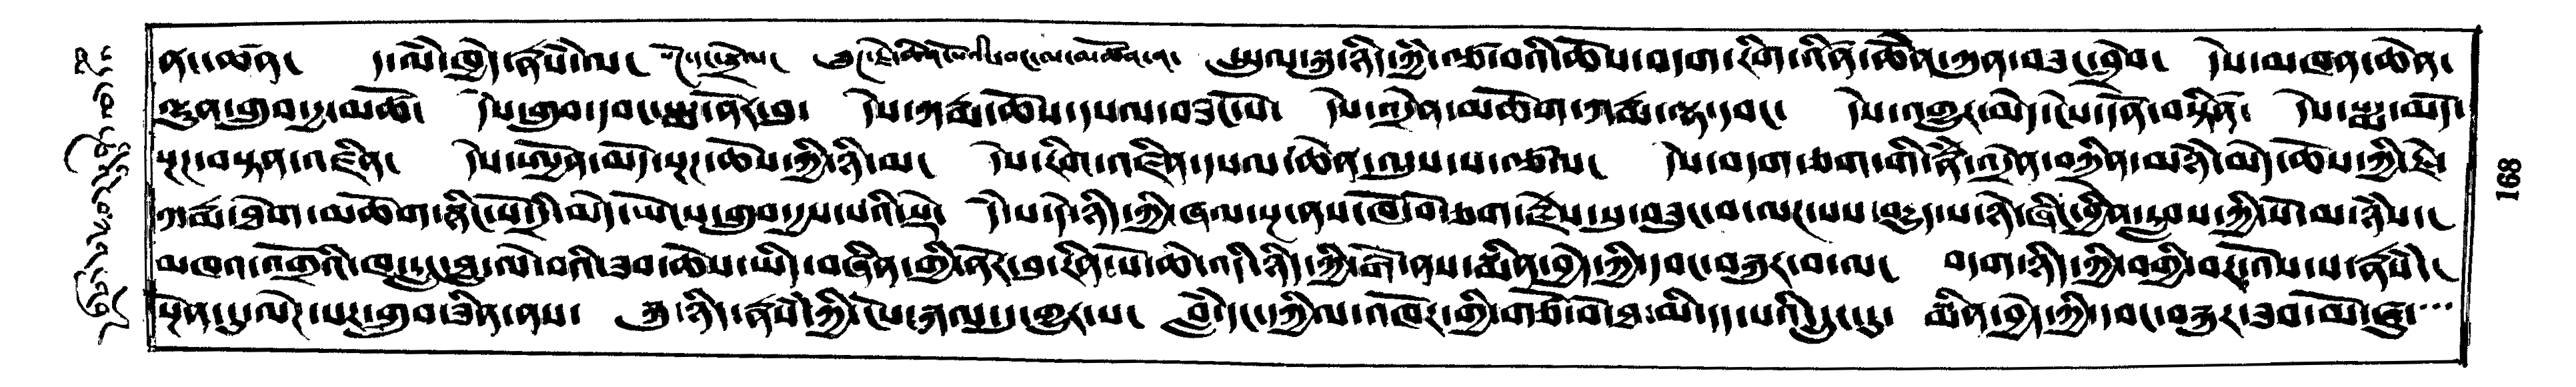ནང་ཚན། ད་ལམ་ཁྱེད་རྣམས་ལ། སོགས་དང་སྦྲེལ། ཐུགས་རྗེ་ཆེན་པོའི་དབང་ལ་མཚོན་ན། སྤྲུལ་སྐུ་ཉིད་ཀྱི་རྩ་བའི་ཆོས་བདག་རིག་འཛིན་ཆེན་པོ་ཀུན་བཟང་ཤེས་རབ། དེས་མཁན་ཆེན་
ལྷུན་གྲུབ་རྒྱ་མཚོ། དེས་གྲུབ་དབང་པདྨ་ནོར་བུ། དེས་ཀརྨ་ཆོས་དཔལ་བཟང་པོ། །དེས་འདྲེན་མཆོག་ཀརྨ་ལྷ་དབང་། །དེས་འགྱུར་མེད་ངེས་དོན་བསྟན་འཛིན། དེས་པདྨ་མདོ་
སྔགས་བསྟན་འཛིན། དེས་ཨོ་རྒྱན་མདོ་སྔགས་ཆོས་ཀྱི་ཉི་མ། དེས་རིག་འཛིན་དཔལ་ཆེན་འདུས་པ་རྩལ། དེས་བདག་ཅག་གི་རྣམ་འདྲེན་བཀའ་དྲིན་མཉམ་མེད་ཆོས་ཀྱི་རྗེ་
ཀརྨ་ཐེག་མཆོག་སྙིང་པོ་དྲི་མེད་ཡོངས་གྲུབ་རྒྱས་པའི་སྡེ། དམ་པ་དེ་ཉིད་ཀྱི་ཞལ་སྔ་ནས་ཁོ་བོ་ཅག་རྗེས་སུ་བཟུང་བ་ལགས་པས་བརྒྱུད་པ་ཉེ་ཞིང་བྱིན་བརླབས་ཀྱི་སོ་མ་ཉམས། 
མཁའ་འགྲོའི་ཁ་རླངས་ཐུ་ལེ་བའི་ཟབ་ཆོས་ཡིད་བཞིན་གྱི་ནོར་བུ་རིན་པོ་ཆེ་འདི་ཉིད་ཀྱི་སྒོ་ནས་སྨིན་བྱེད་ཀྱི་དབང་བསྐུར་བ་ལ།བདག་ཉིད་ཀྱི་བགྱི་བར་འོས་པ་རྣམས་
སྔོན་དུ་ལེགས་པར་གྲུབ་ཟིན་ནས། སྐུ་ཉིད་རྣམས་ཀྱི་ངོས་སྐལ་དུ་གྱུར་པ། བླ་མ་དང་དཀྱིལ་འཁོར་གྱི་གཙོ་བོ་ཐ་མི་དད་པའི་དྲུང་དུ། སྨིན་བྱེད་ཀྱི་དབང་བསྐུར་ཟབ་མོ་ཞུ་